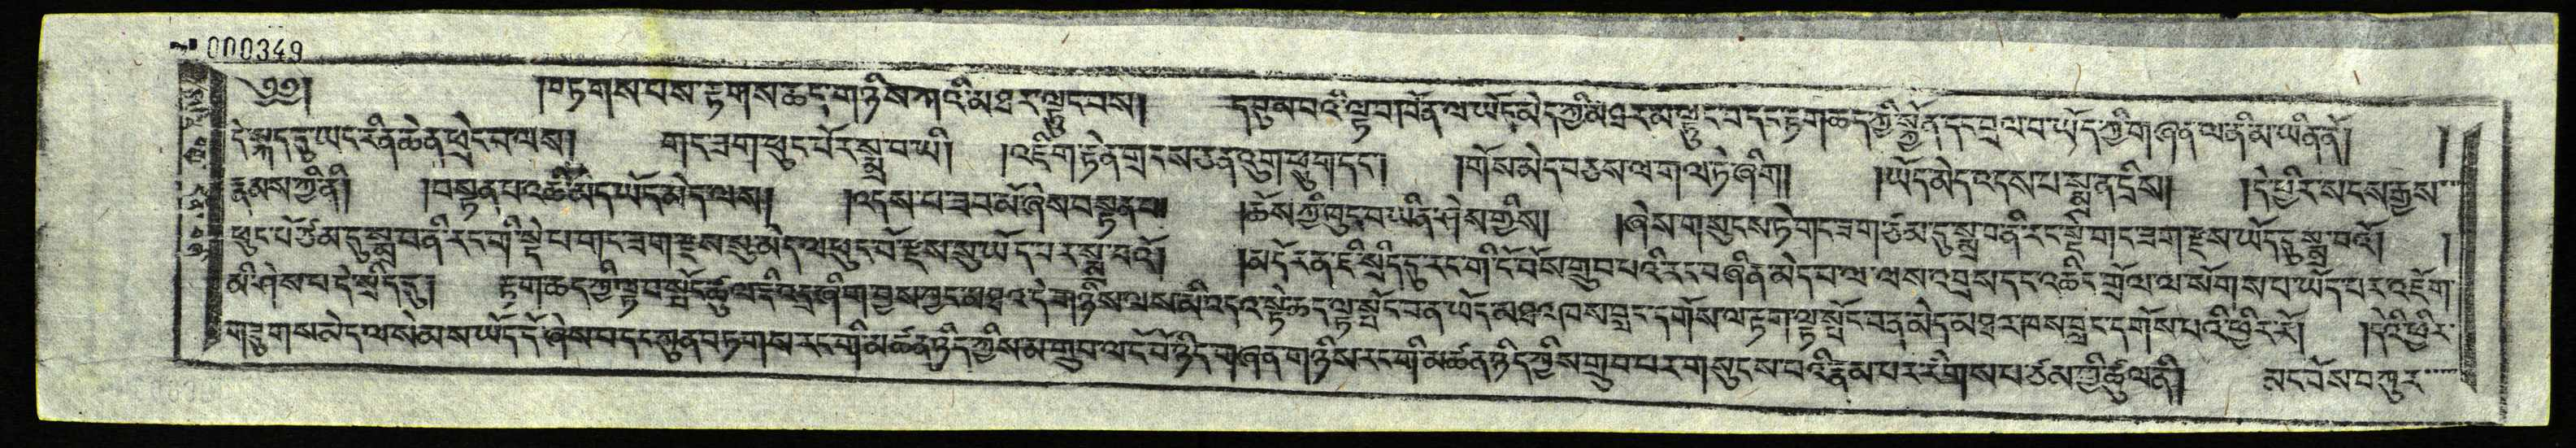༄༅། །བཏགས་པས་རྟགས་ཆད་གཉིས་ཀའི་མཐར་ལྟུང་བས། དབུ་མ་བའི་ལྟ་བ་ཁོ་ན་ལ་ཡོད་མེད་ཀྱི་མཐར་མ་ལྟུང་བ་དང་རྟག་ཆད་ཀྱི་སྐྱོན་དང་བྲལ་བ་ཡོད་ཀྱི་གཞན་ལ་ནི་མ་ཡིན་ནོ། །
དེ་སྐད་དུ་ཡང་རིན་ཆེན་ཕྲེང་བ་ལས། གང་ཟག་ཕུང་པོར་སྨྲ་བ་ཡི། །འཇིག་རྟེན་གྲངས་ཅན་འུག་ཕྲུག་དང་། །གོས་མེད་བཅས་ལ་གལ་ཏེ་ཞིག། །ཡོད་མེད་འདས་པ་སྨྲ་ན་དྲིས། །དེ་ཕྱིར་སངས་རྒྱས་
རྣམས་ཀྱི་ནི། །བསྟན་པ་འཆི་མེད་ཡོད་མེད་ལས། །འདས་པ་ཟབ་མོ་ཞེས་བསྟན་པ། །ཆོས་ཀྱི་ཁུད་བ་ཡིན་ཤེས་གྱིས། །ཞེས་གསུངས་ཏེ་གང་ཟག་ཙམ་དུ་སྨྲ་བ་ནི་རང་སྡེ་གང་ཟག་རྫས་ཡོད་དུ་སྨྲ་བའོ། །
ཕུང་པོ་ཙམ་དུ་སྨྲ་བ་ནི་རང་གི་སྡེ་པ་གང་ཟག་རྫས་སུ་མེད་ལ་ཕུང་པོ་རྫས་སུ་ཡོད་པར་སྨྲ་བའོ། །མདོར་ན་ཇི་སྲིད་དུ་རང་གི་ངོ་བོས་གྲུབ་པའི་རང་བཞིན་མེད་པ་ལ་ལས་འབྲས་དང་འཆིང་གྲོལ་ལ་སོགས་པ་ཡོད་པར་འཇོག་
མི་ཤེས་པ་དེ་སྲིད་དུ། རྟག་ཆད་ཀྱི་ལྟ་བ་སྤོང་ཚུལ་ཇི་འདྲ་ཞིག་བྱས་ཀྱང་མཐའ་དེ་གཉིས་ལས་མི་འདའ་སྟེ་ཆད་ལྟ་སྤོང་བ་ན་ཡོད་མཐའ་ཁས་བླང་དགོས་ལ་རྟག་ལྟ་སྤོང་བ་ན་མེད་མཐར་ཁས་བླང་དགོས་པའི་ཕྱིར་རོ། །དེའི་ཕྱིར་
གཟུགས་མེད་ལ་སེམས་ཡོད་དོ་ཞེས་པ་དང་ཀུན་བཏགས་རང་གི་མཚན་ཉིད་ཀྱིས་མ་གྲུབ་ལ་ངོ་བོ་ཉིད་གཞན་གཉིས་རང་གི་མཚན་ཉིད་ཀྱིས་གྲུབ་པར་གསུངས་པའི་རྣམ་པར་རིགས་པ་ཙམ་གྱི་ཚུལ་ནི། མང་པོས་བཀུར་